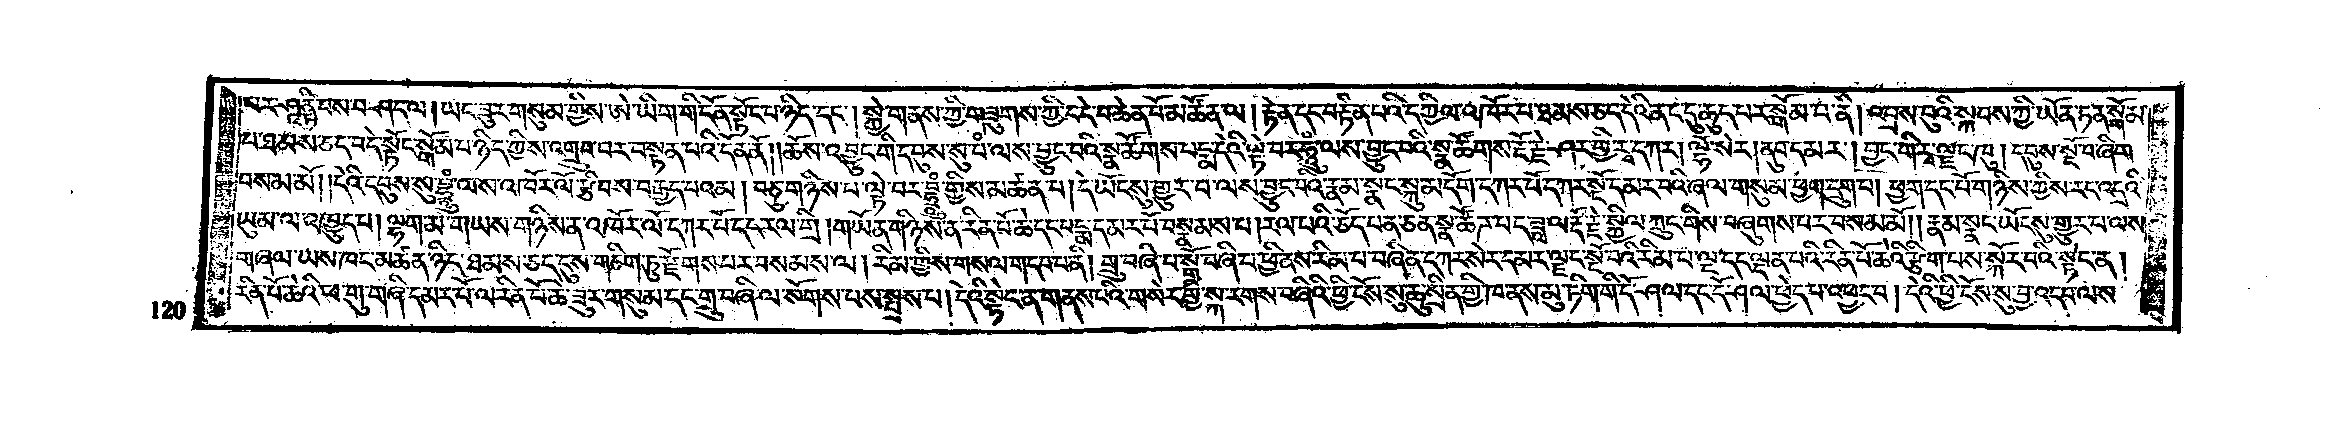པར་ཤཱནྟི་པས་བཤད་ལ། ཡང་ཟུར་གསུམ་གྱིས་ཨེ་ཡིག་གི་དོན་སྟོང་པ་ཉིད་དང་། སྐྱེ་གནས་ཀྱི་གཟུགས་ཀྱི་བདེ་བ་ཆེན་པོ་མཚོན་ལ། རྟེན་དང་བརྟེན་པའི་དཀྱིལ་འཁོར་པ་ཐམས་ཅད་དེའི་ནང་དུ་ཆུད་པར་སྒོམ་པ་ནི། འབྲས་བུའི་སྐབས་ཀྱི་ཡོན་ཏན་སྒོམ་
པ་ཐམས་ཅད་བདེ་སྟོང་སྒོམ་པ་ཉིད་ཀྱིས་འགྲུབ་པར་བསྟན་པའི་དོན་ནོ། །ཆོས་འབྱུང་གི་དབུས་སུ་པཾ་ལས་བྱུང་བའི་སྣ་ཚོགས་པདམ་དེའི་ལྟེ་བར་ཧཱུཾ་ལས་བྱུང་བའི་སྣ་ཚོགས་རྡོ་རྗེ་ཤར་གྱི་རྭ་དཀར། ལྷོ་སེར། ནུབ་དམར། བྱང་གི་རྭ་ལྗང་ཁུ། དབུས་སྔོ་བ་ཞིག་
བསམ་མོ། །དེའི་དབུས་སུ་བྷྲཱུཾ་ལས་འཁོར་ལོ་རྩིབས་བརྒྱད་པའམ། བཅུ་གཉིས་པ་ལྟེ་བར་བྷྲཱུཾ་གྱིས་མཚན་པ། དེ་ཡོངས་སུ་གྱུར་པ་ལས་བྱུང་བའི་རྣམ་སྣང་སྐུ་མདོག་དཀར་པོ་དཀར་སྔོ་དམར་བའི་ཞལ་གསུམ་ཕྱག་དྲུག་པ། ཕྱག་དང་པོ་གཉིས་ཀྱིས་རང་འདྲའི་
ཡུམ་ལ་འཁྱུད་པ། ལྷག་མ་གཡས་གཉིས་ན་འཁོར་ལོ་དཀར་པོ་དང་རལ་གྲི་།གཡོན་གྱིས་ན་རིན་པོ་ཆེ་དང་པདམ་དམར་པོ་བསྣམས་པ། རལ་པའི་ཅོད་པན་ཅན་སྣ་ཚོགས་པད་ཟླ་ལ་རྡོ་རྗེ་སྐྱིལ་ཀྲུང་གིས་བཞུགས་པར་བསམ་མོ། །རྣམ་སྣང་ཡོངས་སུ་གྱུར་པ་ལས་
གཞལ་ཡས་ཁང་མཚན་ཉིད་ཐམས་ཅད་དུས་གཅིག་ཏུ་རྫོགས་པར་བསམས་ལ། རིམ་གྱིས་གསལ་གདབ་པ་ནི། གྲུ་བཞི་པ་སྒོ་བཞི་པ་ཕྱི་ནས་རིམ་པ་བཞིན་དཀར་སེར་དམར་ལྗང་སྔོ་བའི་རིམ་པ་ལྔ་དང་ལྡན་པའི་རིན་པོ་ཆེའི་རྩིག་པས་སྐོར་བའི་སྟེང་ན།
རིན་པོ་ཆེའི་ཕ་གུ་གཞི་དམར་པོ་ལ་རིན་པོ་ཆེ་ཟུར་གསུམ་དང་གྲུ་བཞི་ལ་སོགས་པས་སྤྲས་པ། དེའི་སྟེང་ན་གནས་པའི་གསེར་གྱི་སྐ་རགས་བཞིའི་ཕྱི་ངོས་སུ་ཆུ་སྲིན་གྱི་ཁ་ནས་མུ་ཏིག་གི་དོ་ཤལ་དང་དོ་ཤལ་ཕྱེད་པ་འཕྱང་བ། དེའི་ཕྱི་ངོས་སུ་བྱ་འདབ་ལས་